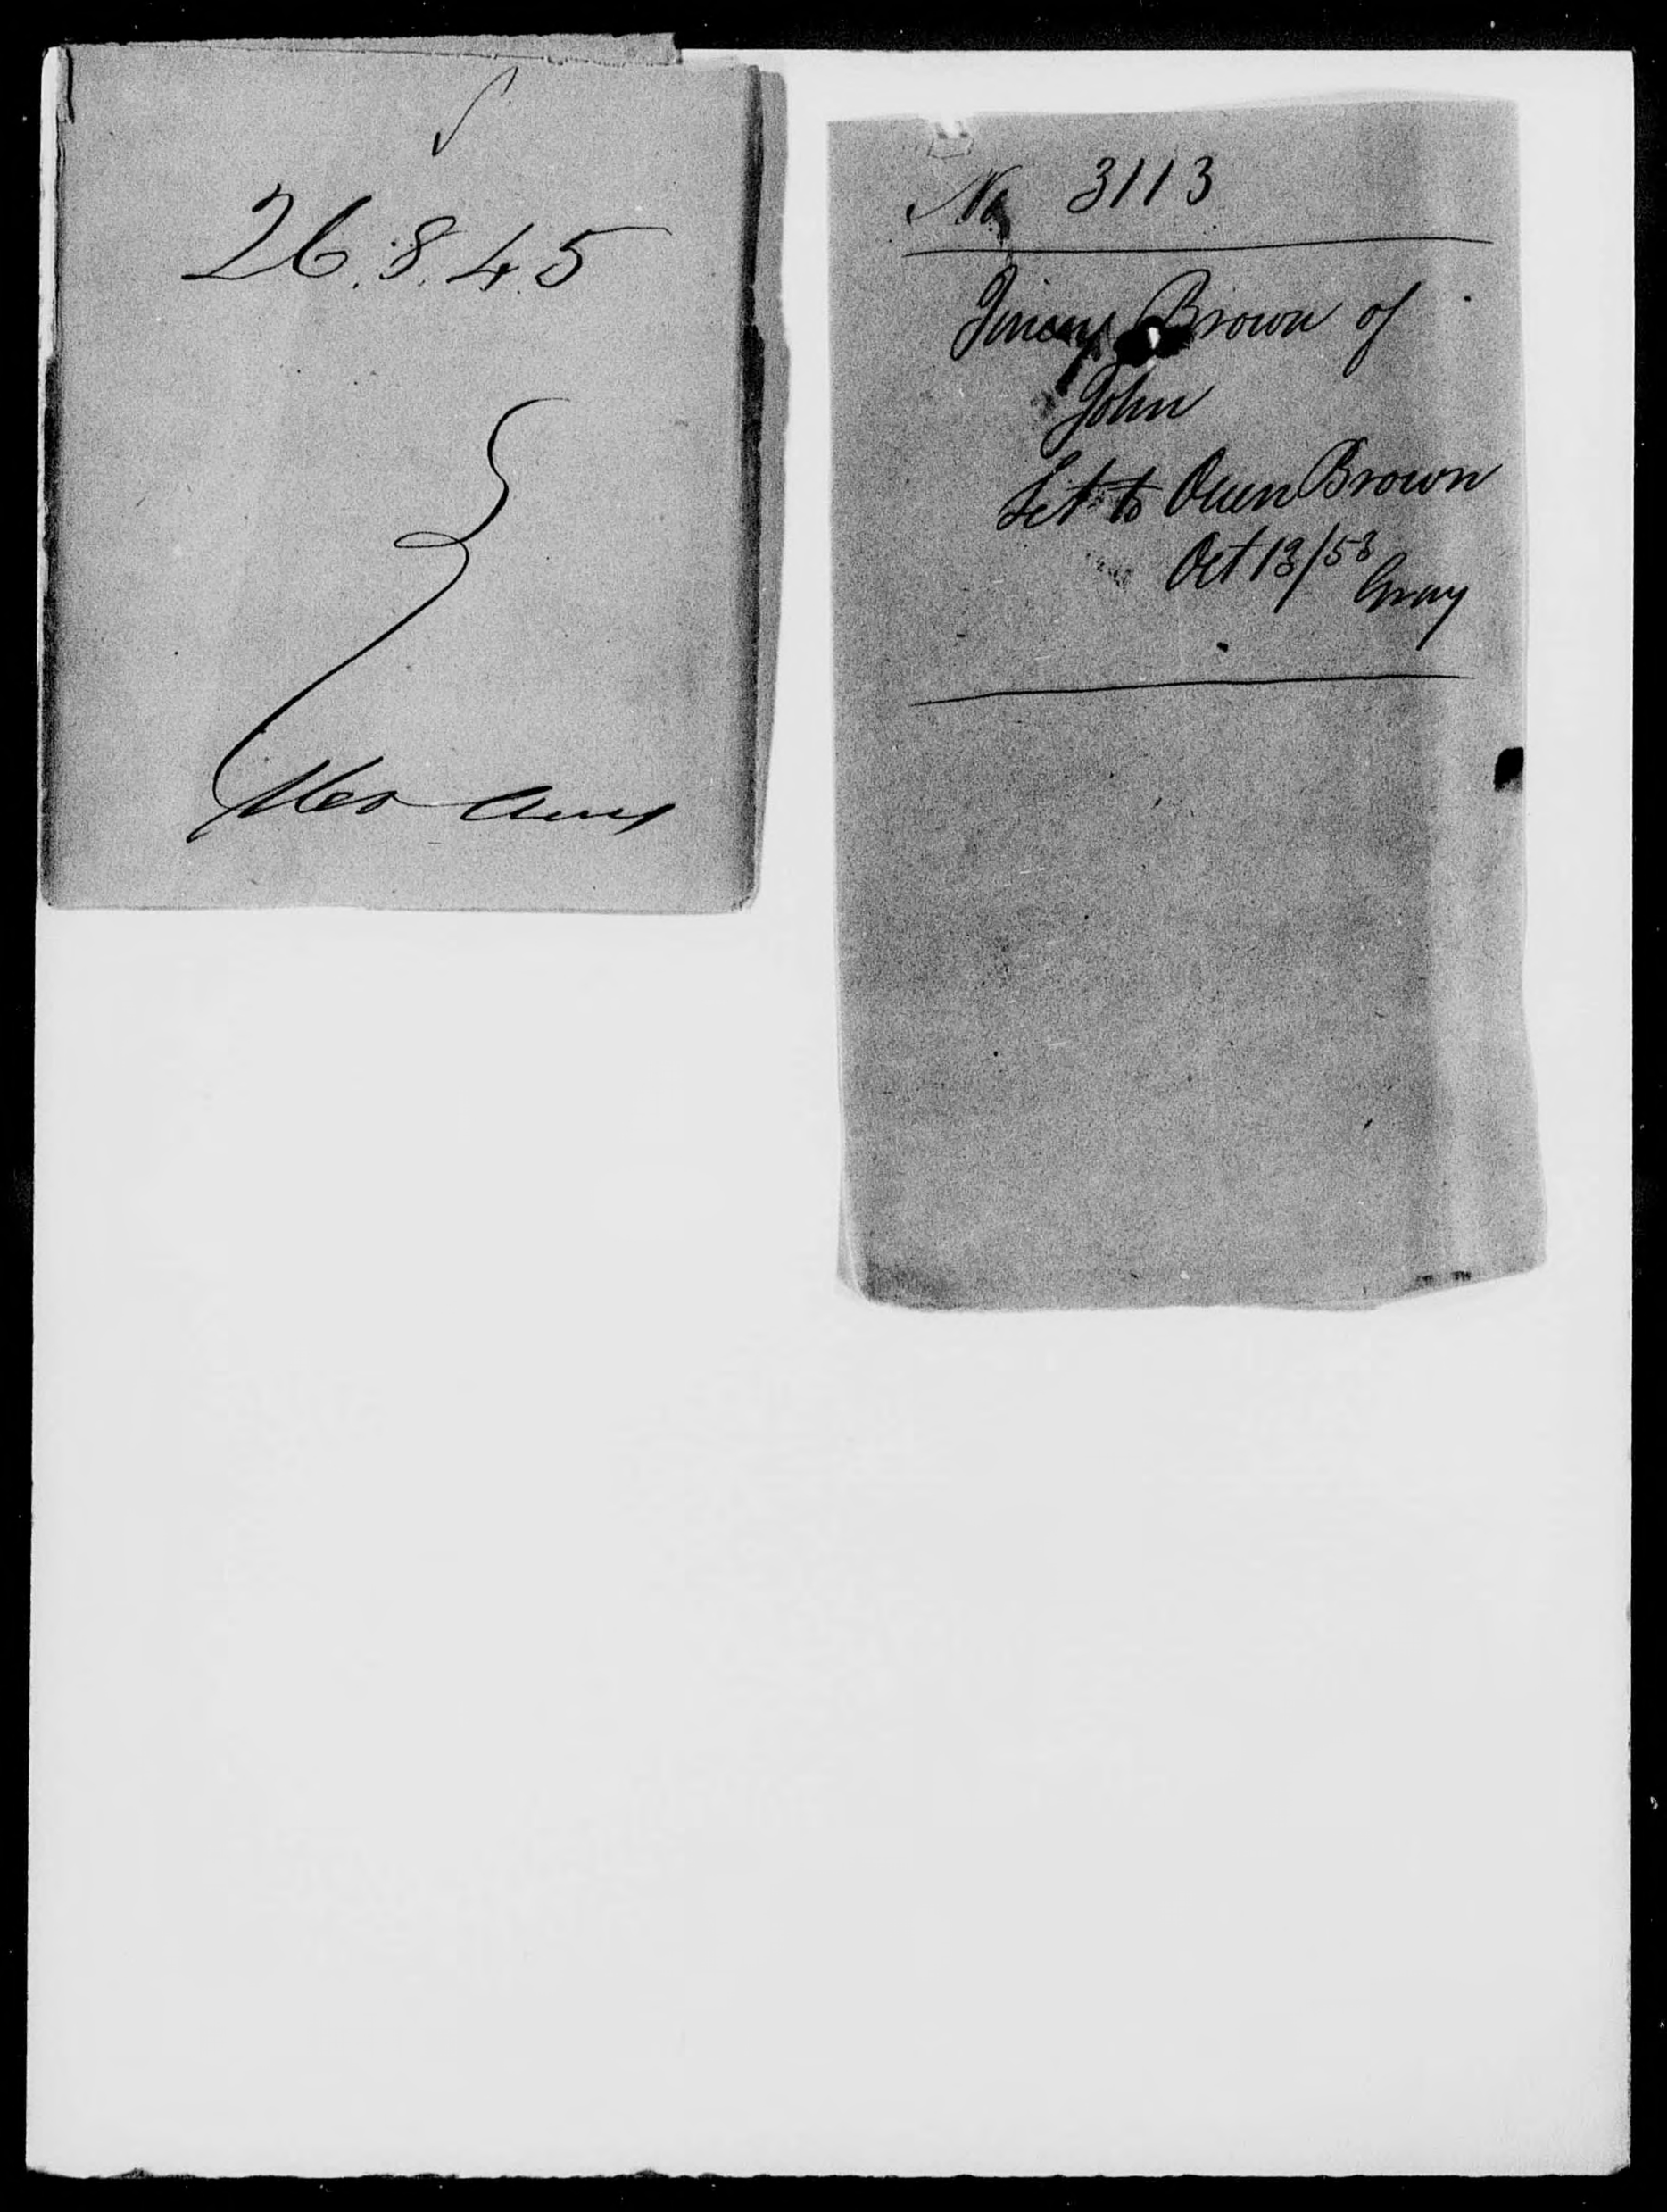26.845
[illegible]

No 3113
-------------------------
Jincey Brown of
John
Let. to Owen Brown 
Oct 13/53 Gray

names: John Brown, Jincey Brown, Gray, Oven Brown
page: 73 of 85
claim: widow's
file: W. 5,906, John Brown, S.C.